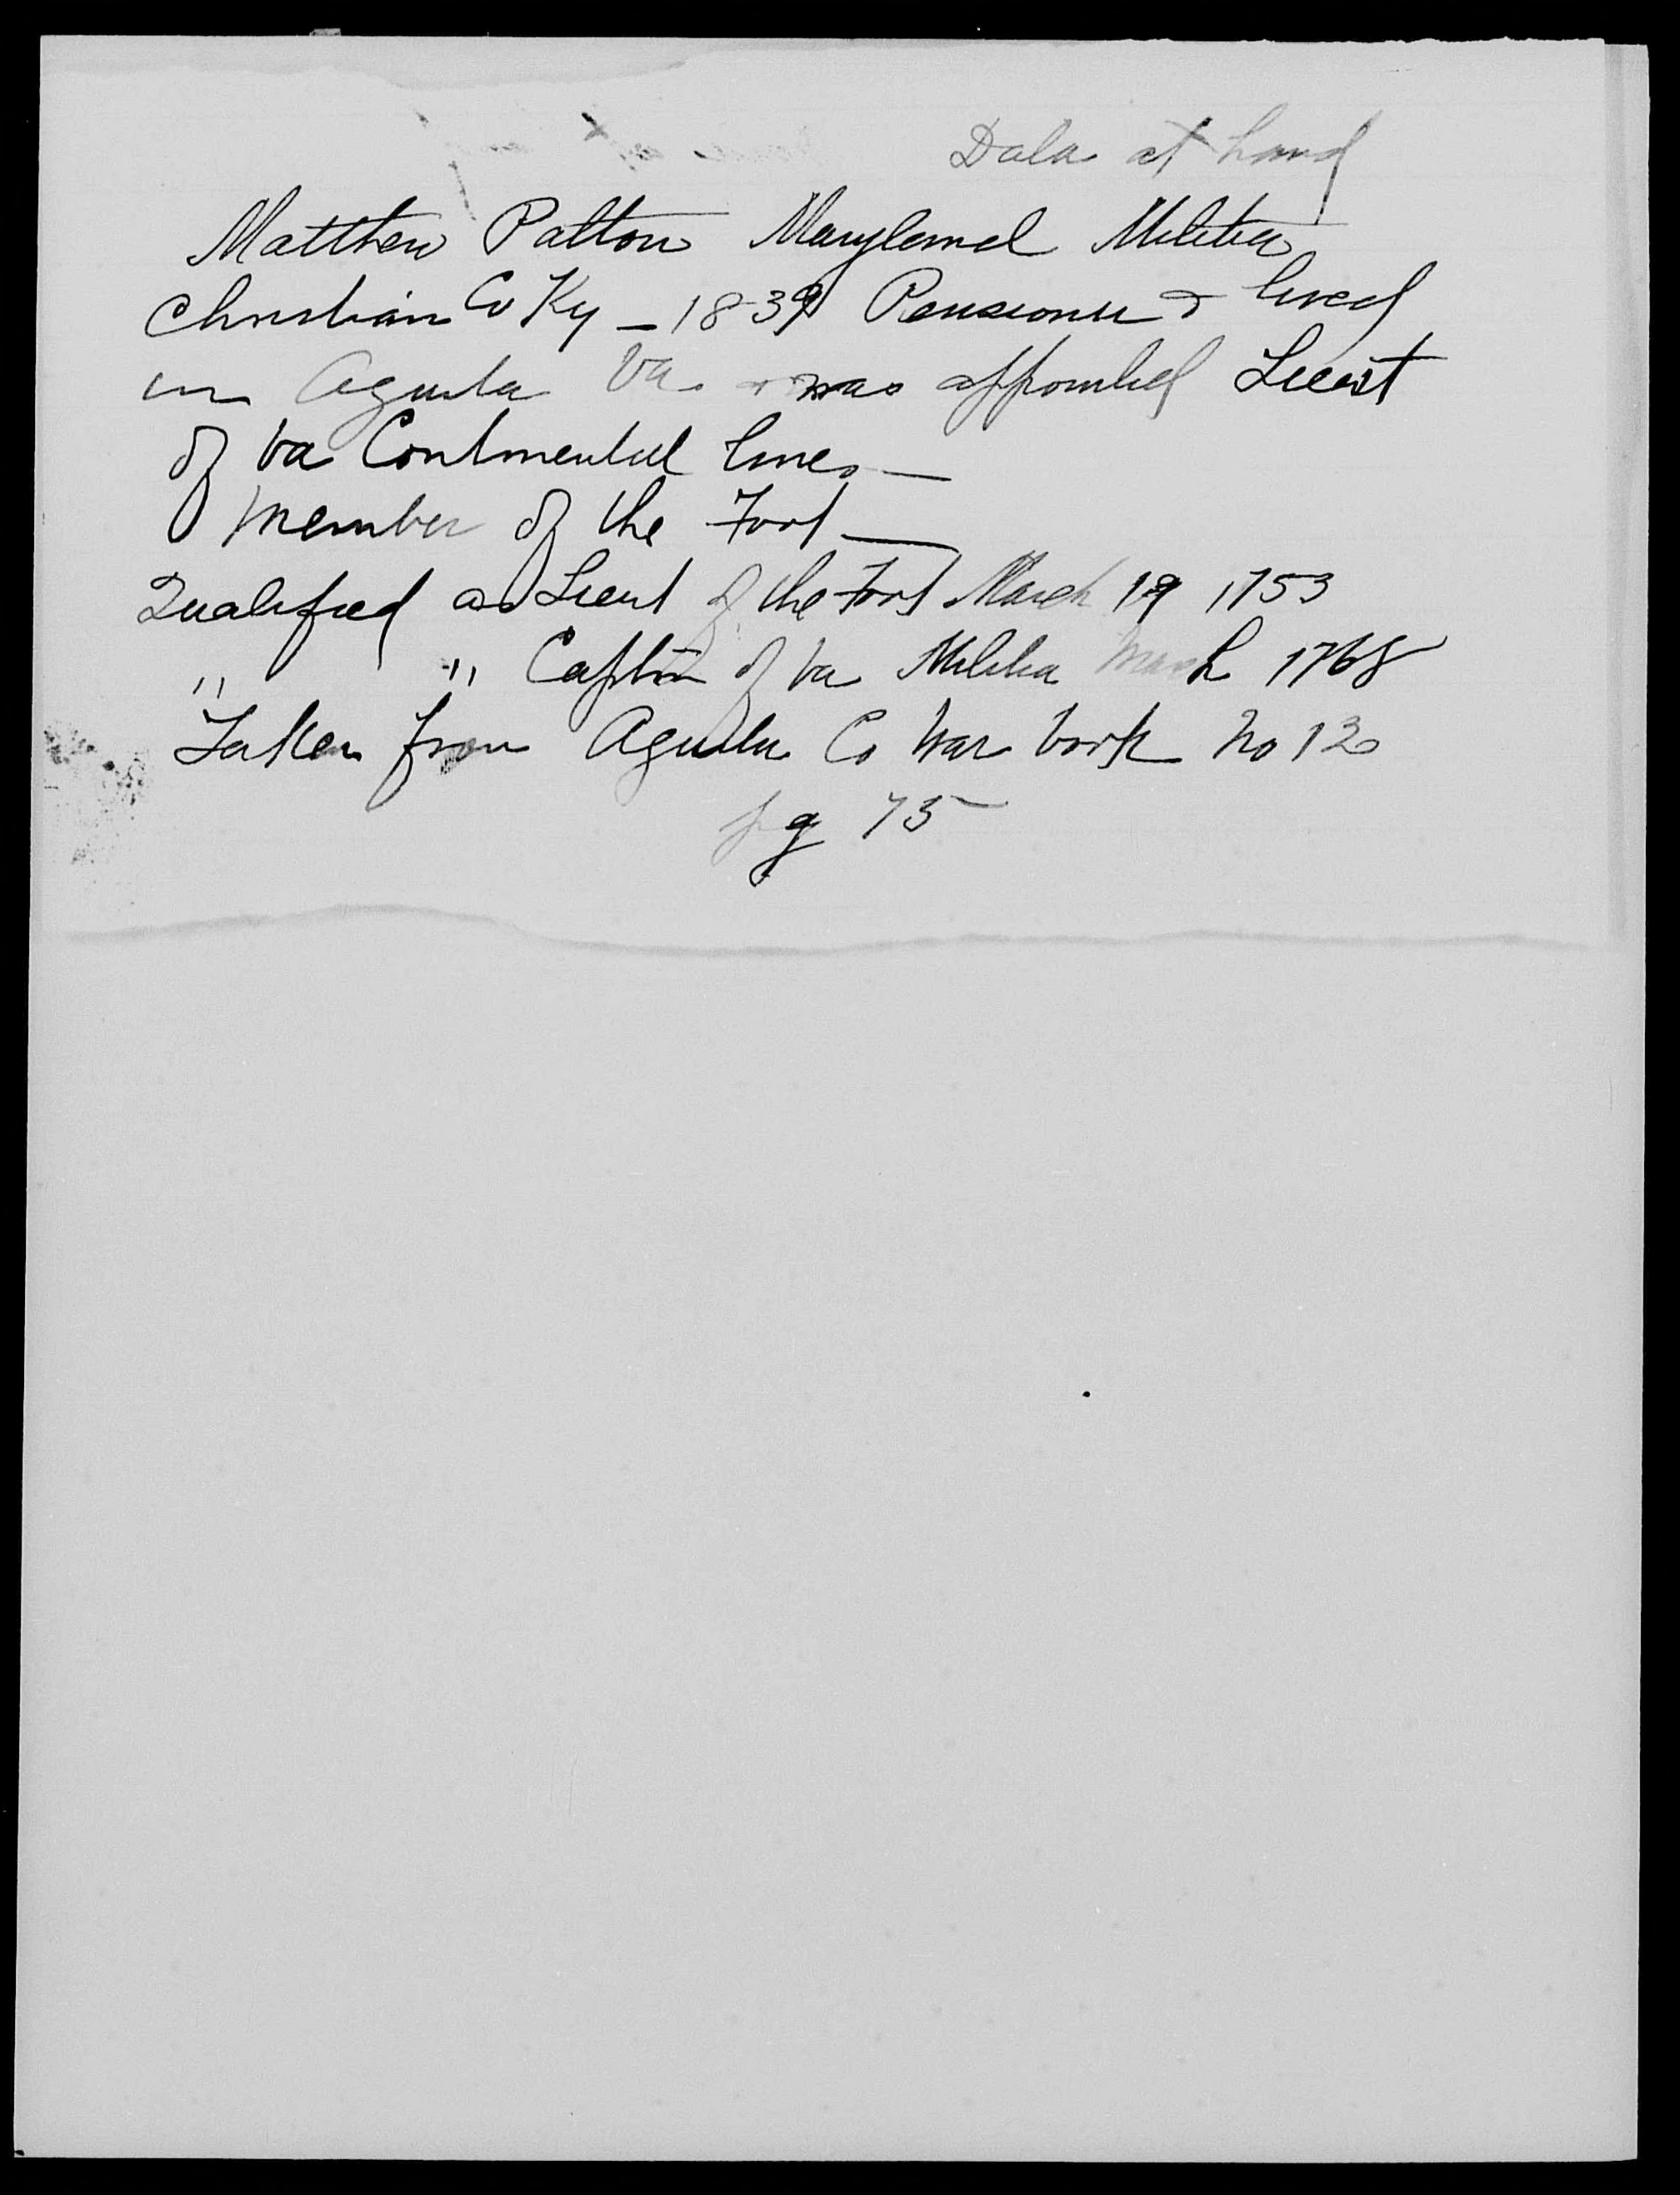Dala at hand
Matthew Patton Maryland Militia
Christian Co Ky- 1839 Pensioner & lived in  
in Aguila VA was appointed Lieut
of a Continental lines -
member of the Fort
Qualified as Lieut of the Fort March 19 1753
       "        as Captain of Va Militia March 1768
Taken from Aguila Co War book No 12
pg 75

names: Matthew Patton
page: 15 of 45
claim: survivor's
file: S. 31294, for Matthew Patton, Maryland